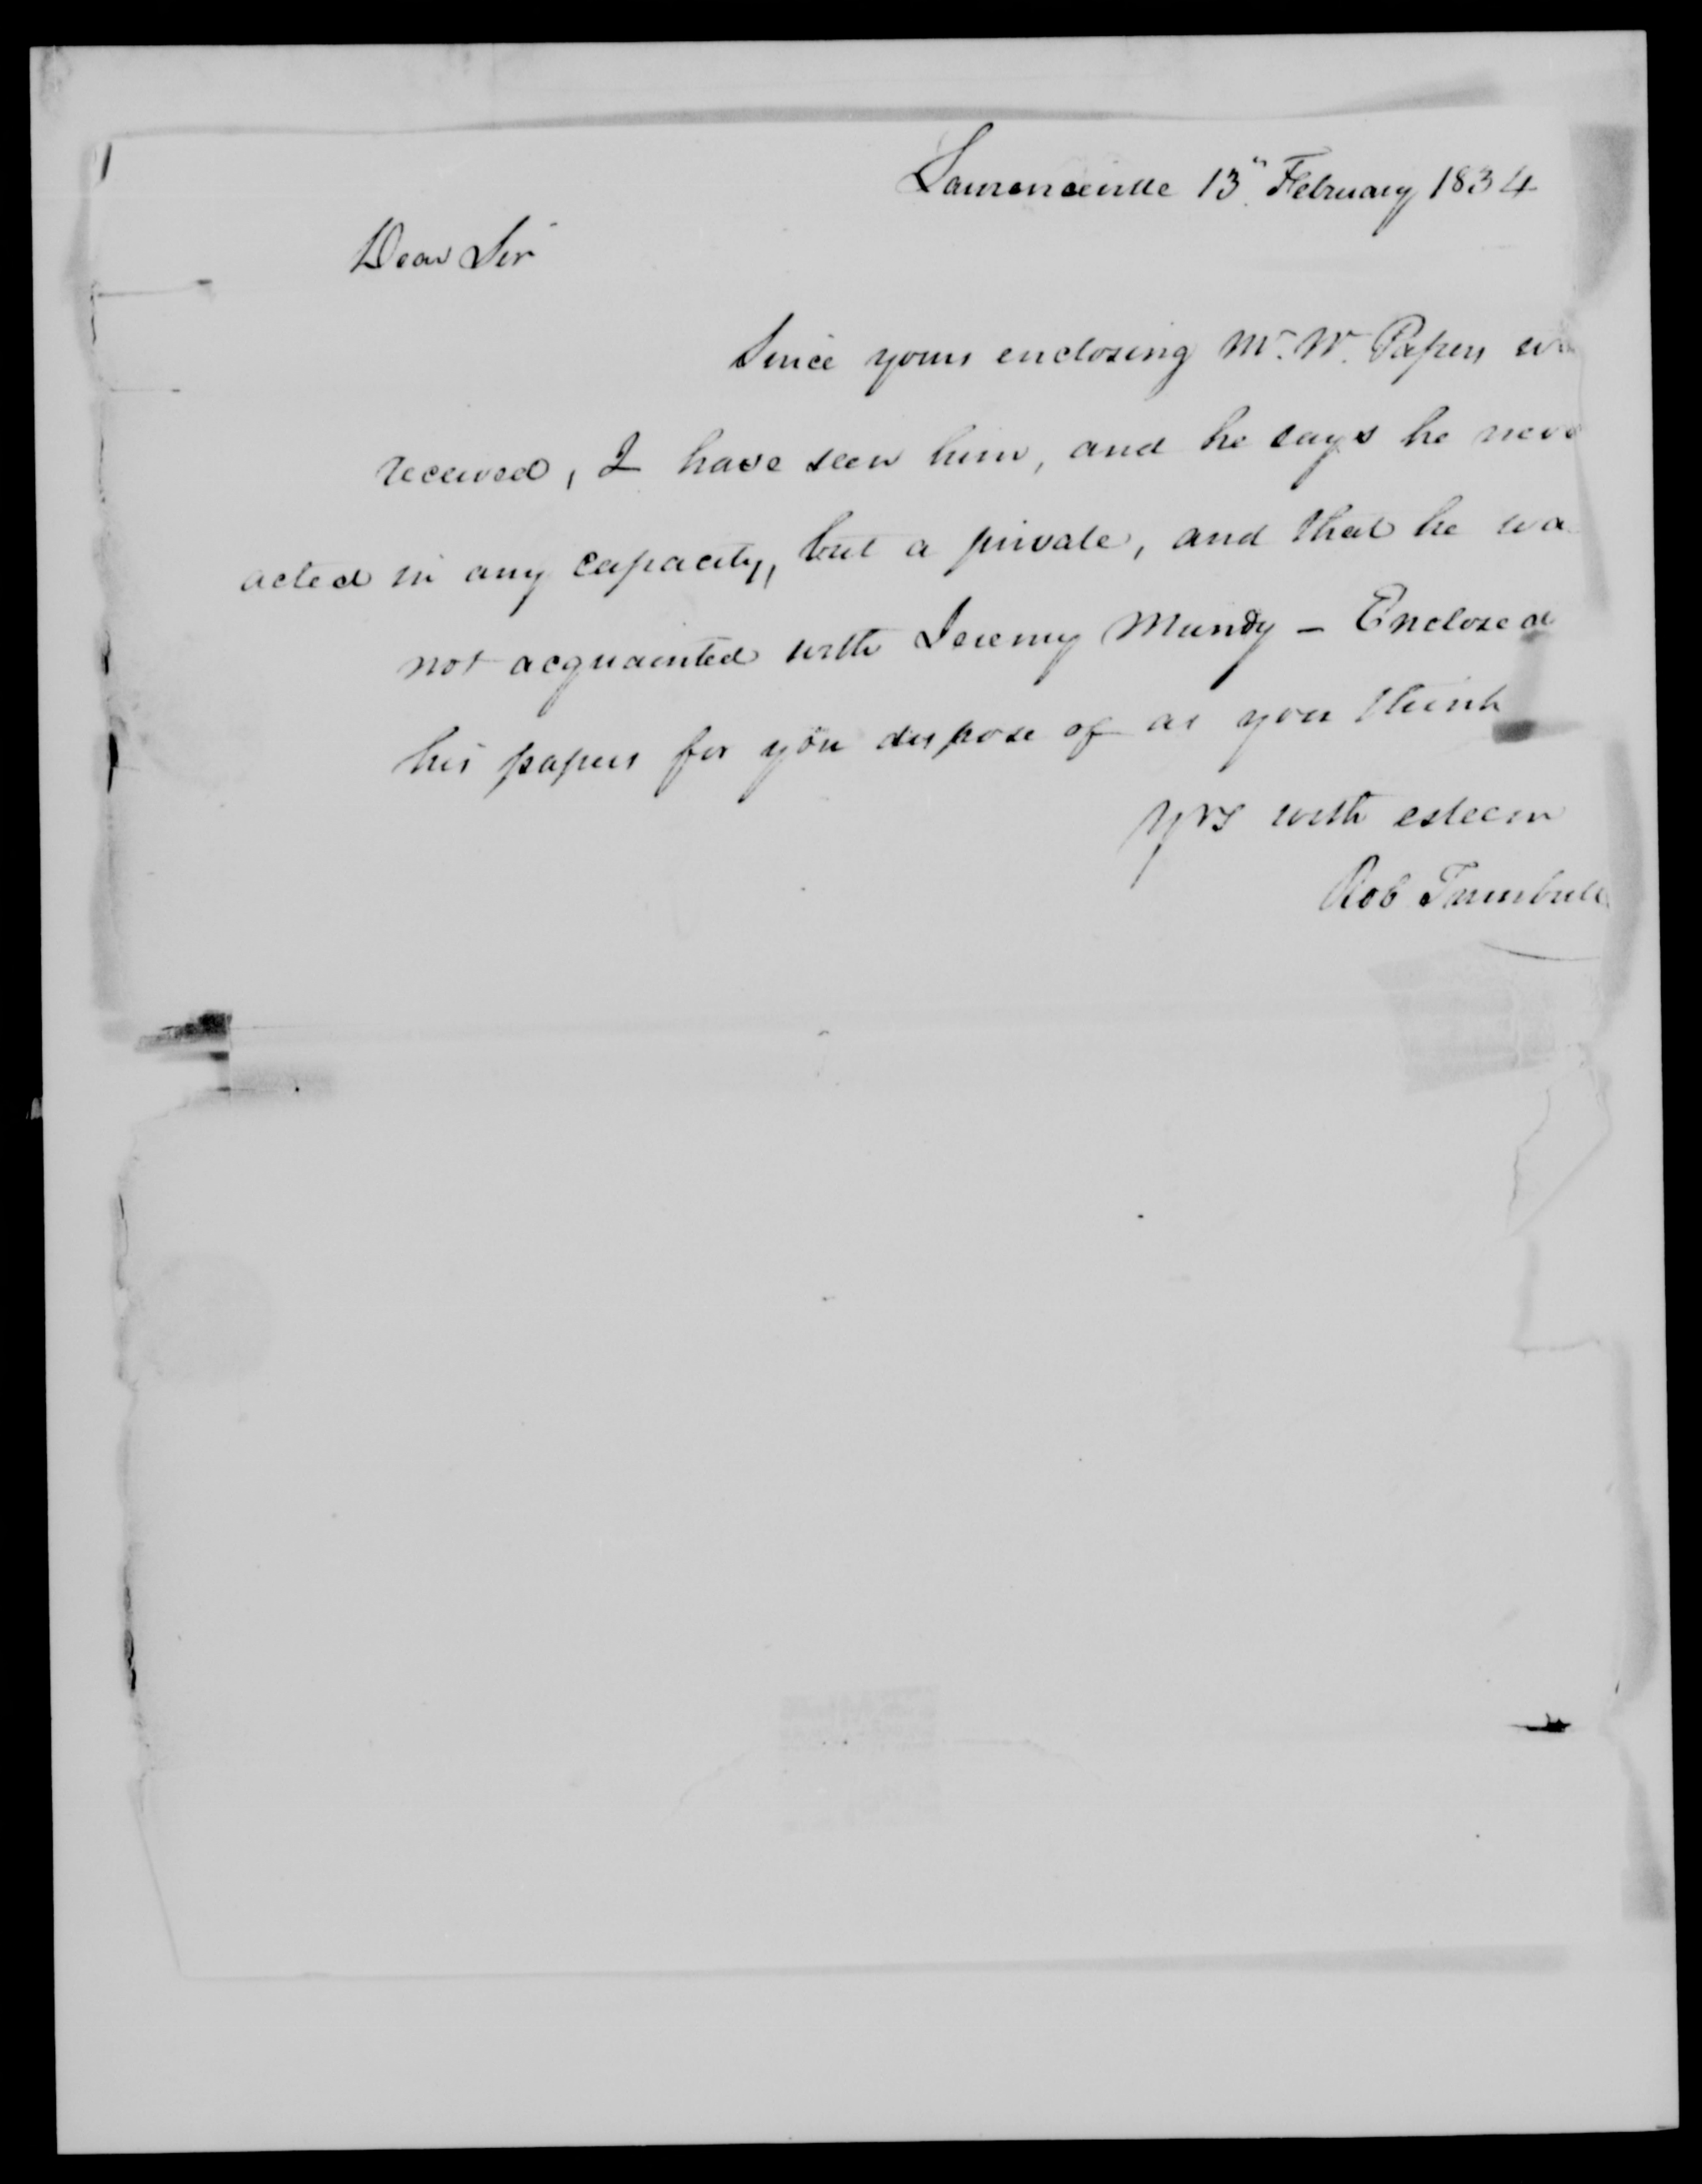Lawrenceville 13" February 1834
Dear Sir
Since yours enclosing Mr. W. Papers are received, I have seen him, and he says he never acted in any capacity, but a private, and that he was not acquainted with Jeremy Mandy - Enclose are his papers for you dispose of as you think
Yrs with esteem
Rob Tumbull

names: W Papers, Sauney Mandy, Rob Tumbull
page: 24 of 32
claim: survivor's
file: S. 16020, Thomas Whitlock, Va.